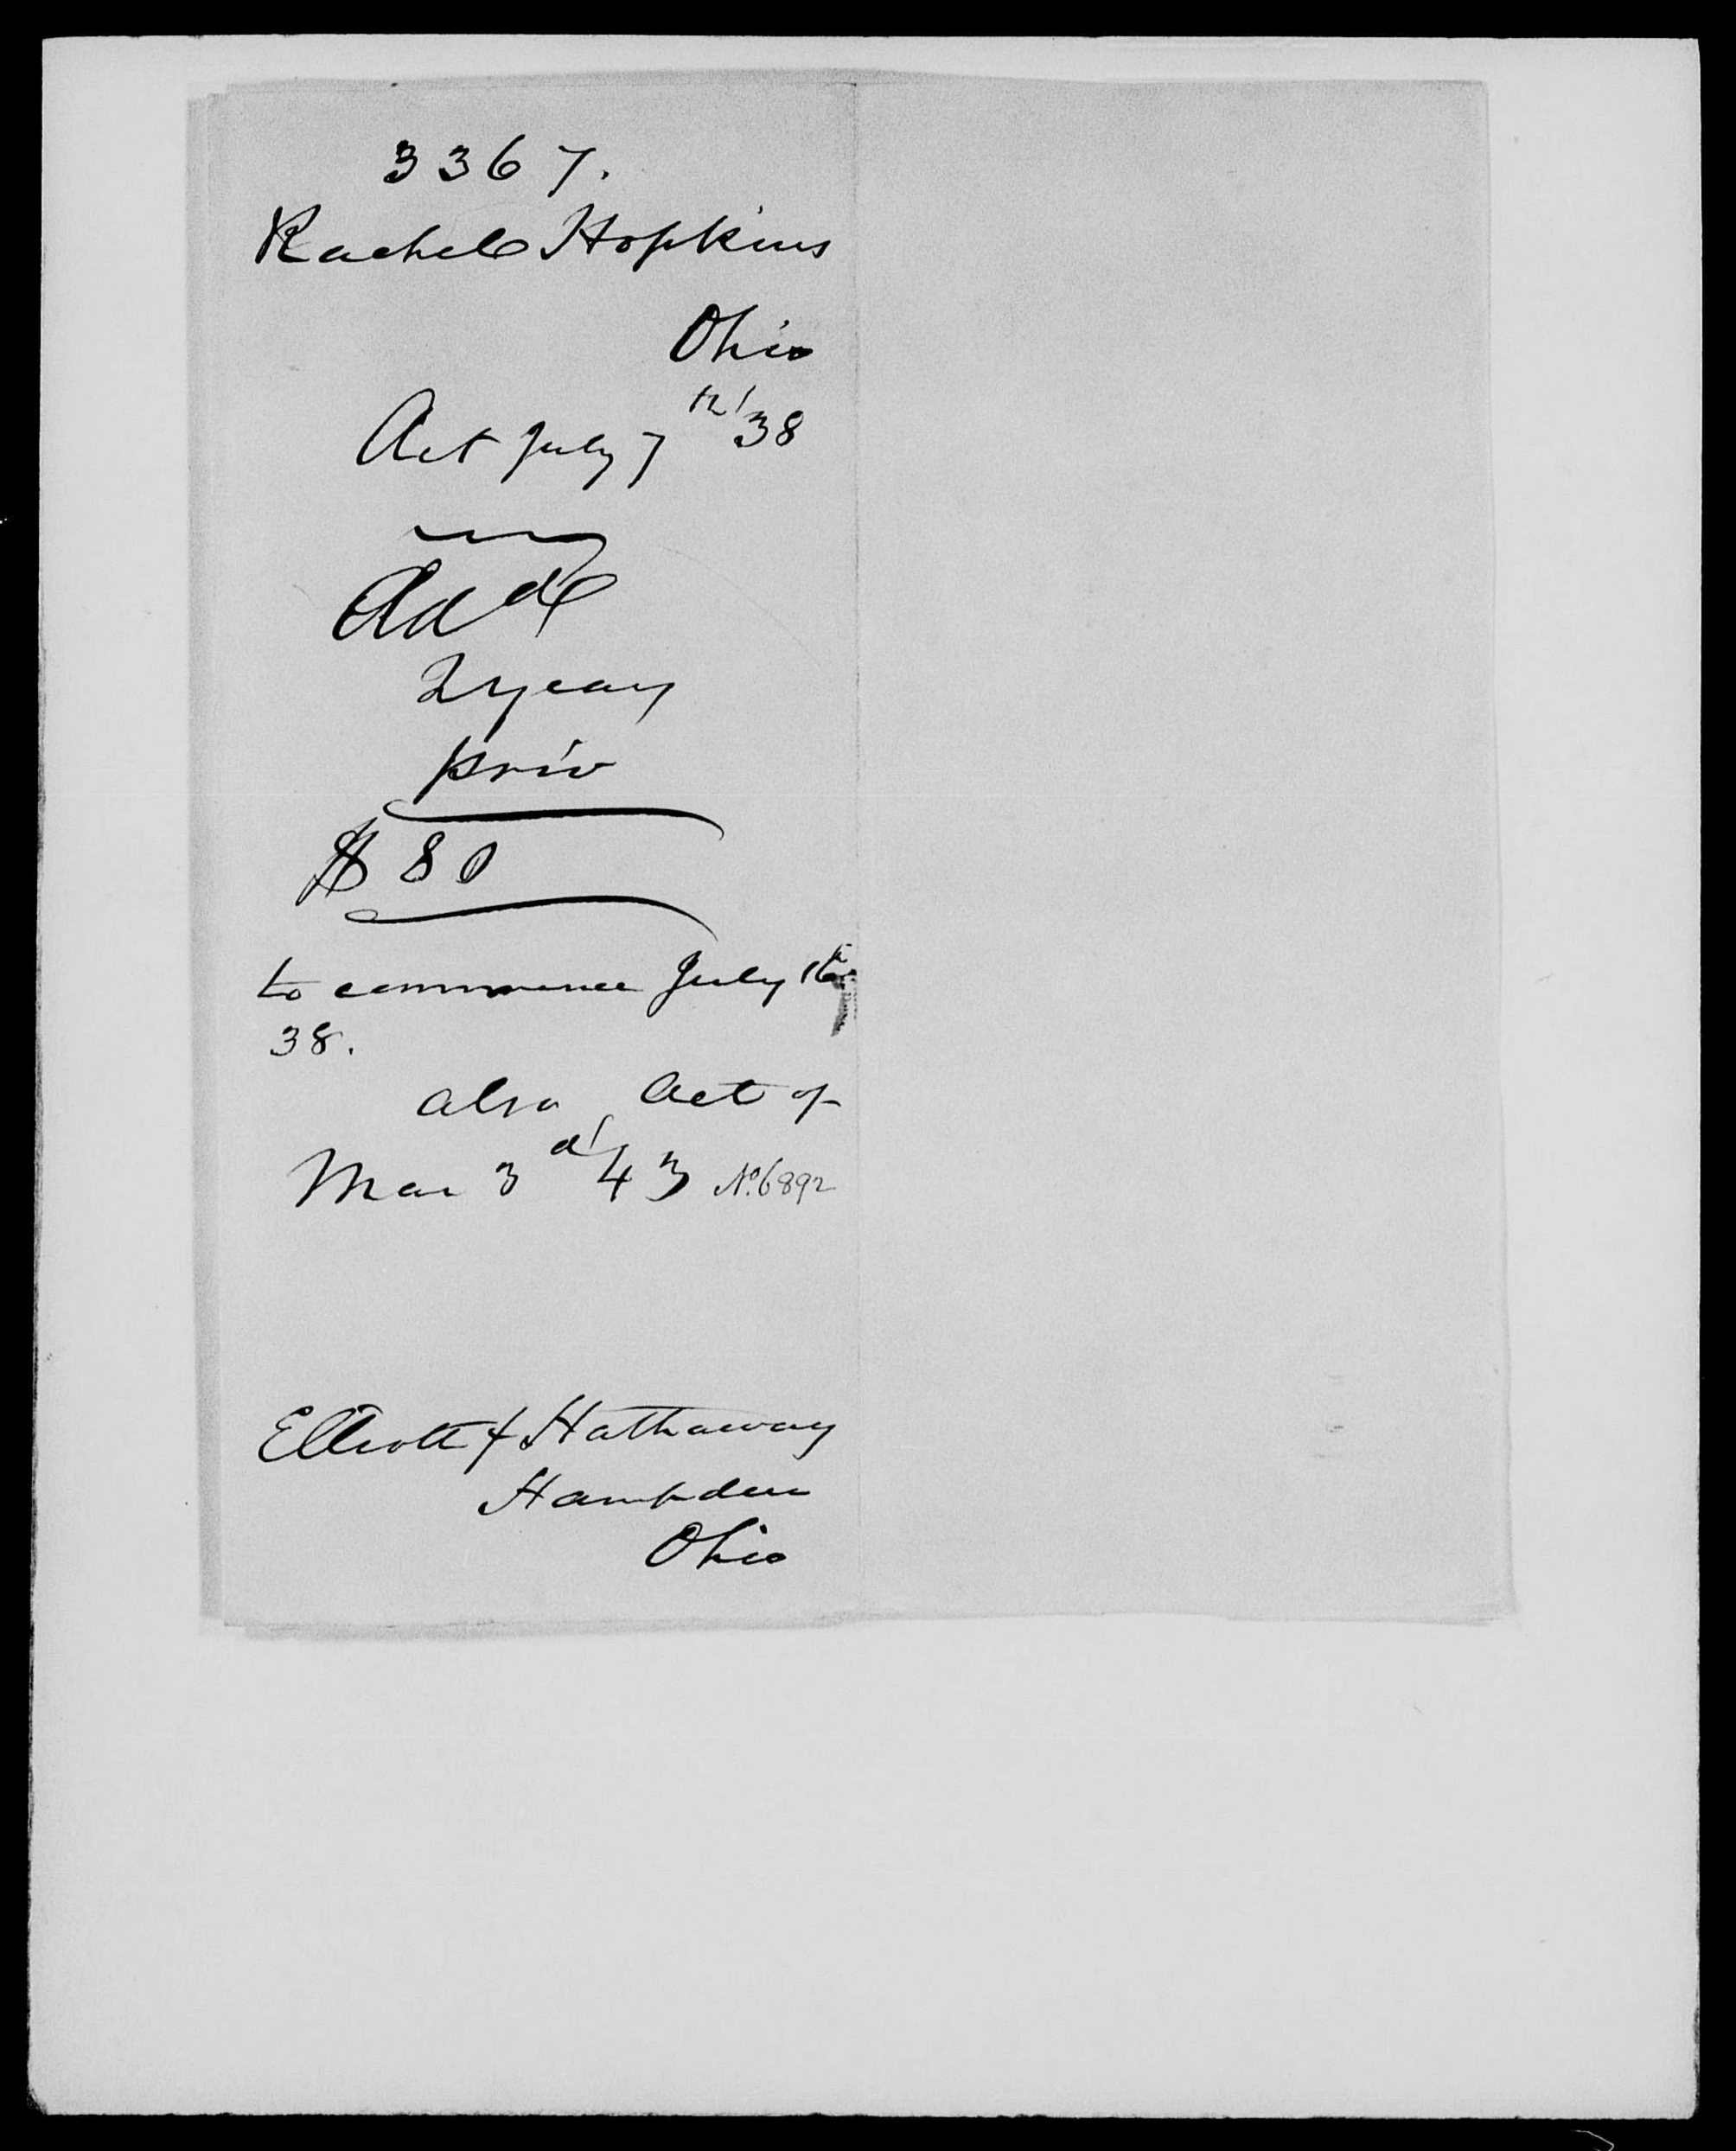3367
Rachel Hopkins
Ohio
Act July 7 '38
and
2 years
priv
$80

to commence July 16 '38.

also Act of Mar 3d '43  No. 6892
Elliott & Hathaway
Hambden
Ohio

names: Hathaway, Elliott, Rachel Hopkins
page: 89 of 144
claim: rejected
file: R. 5208, Dennis Hopkins, N.C.